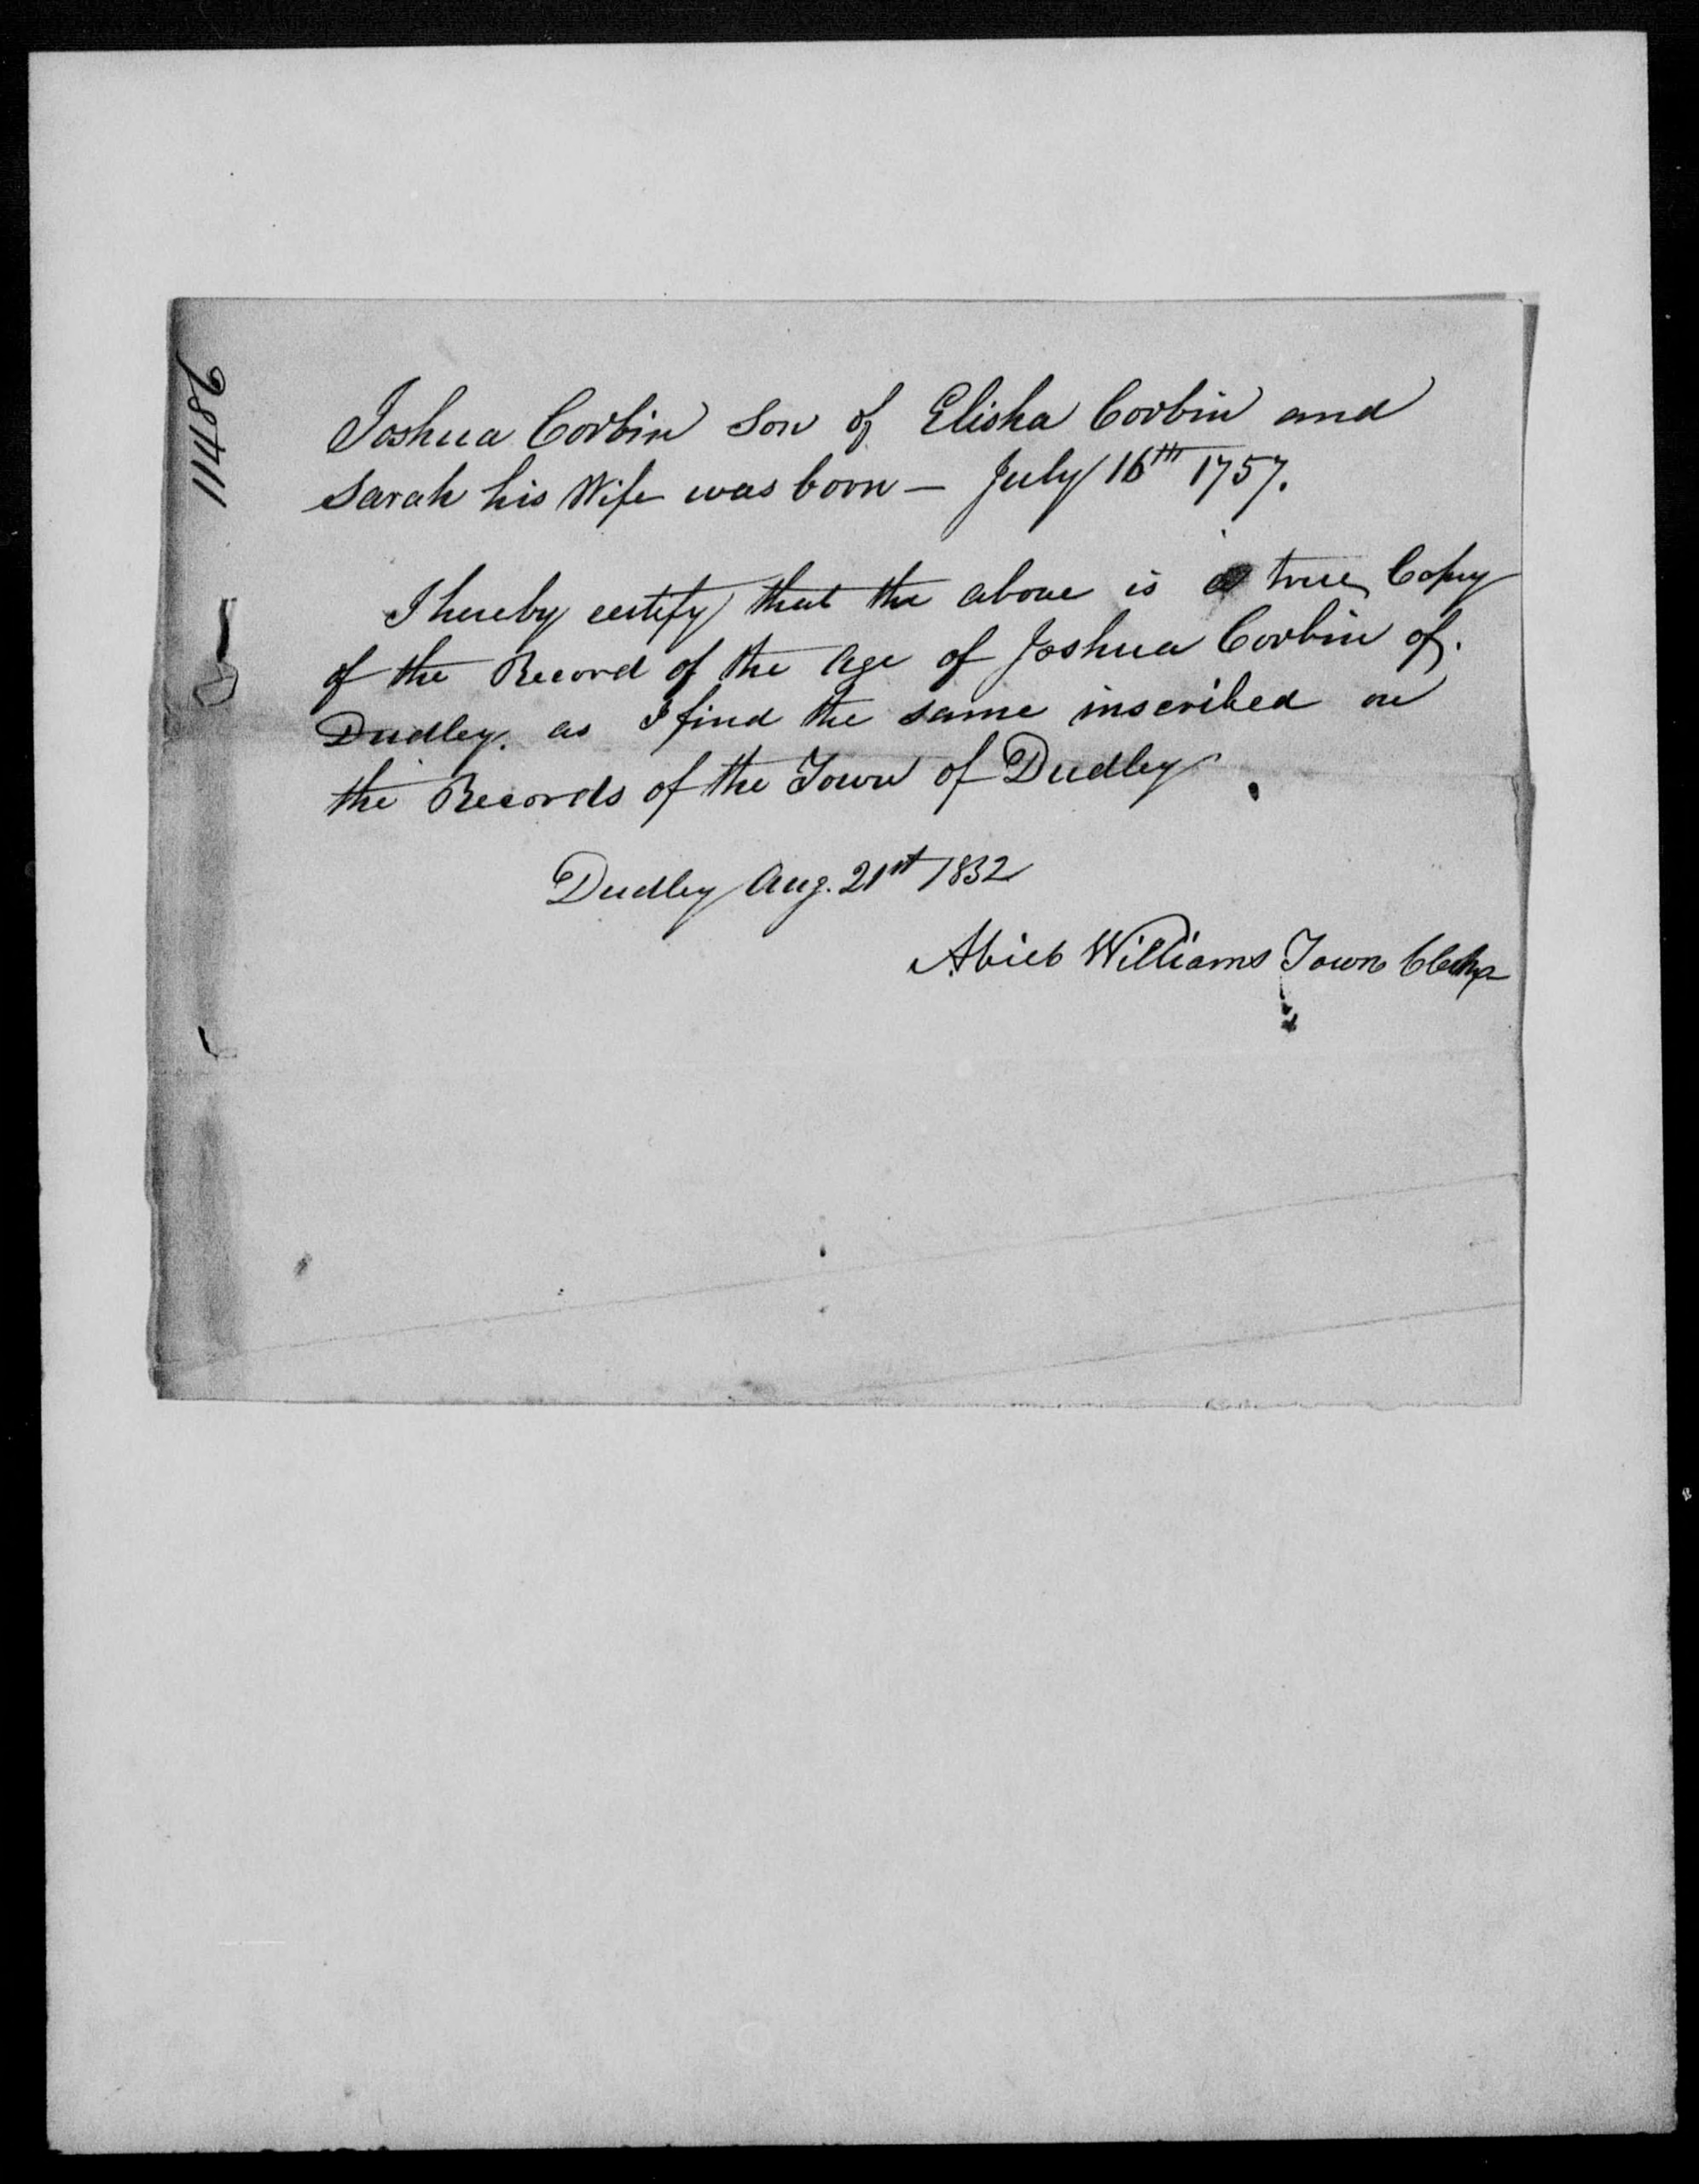11486
Joshua Corbin son of Elisha Corbin and Sarah his wife was born - July 16th 1757.

I hereby certify that the above is a true copy of the record of the eye of Joshua Corbin of Dudley as I find the same inscribed on the Records of the town of Dudley.
Duedly August 21st 1832
Abieb Williams Town Bishop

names: Abiel Williams, Joshua Corbin, Joshua Corbin, Elisha Corbin, Sarah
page: 5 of 34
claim: survivor's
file: S. 12581, Joshua Corbin, Mass.